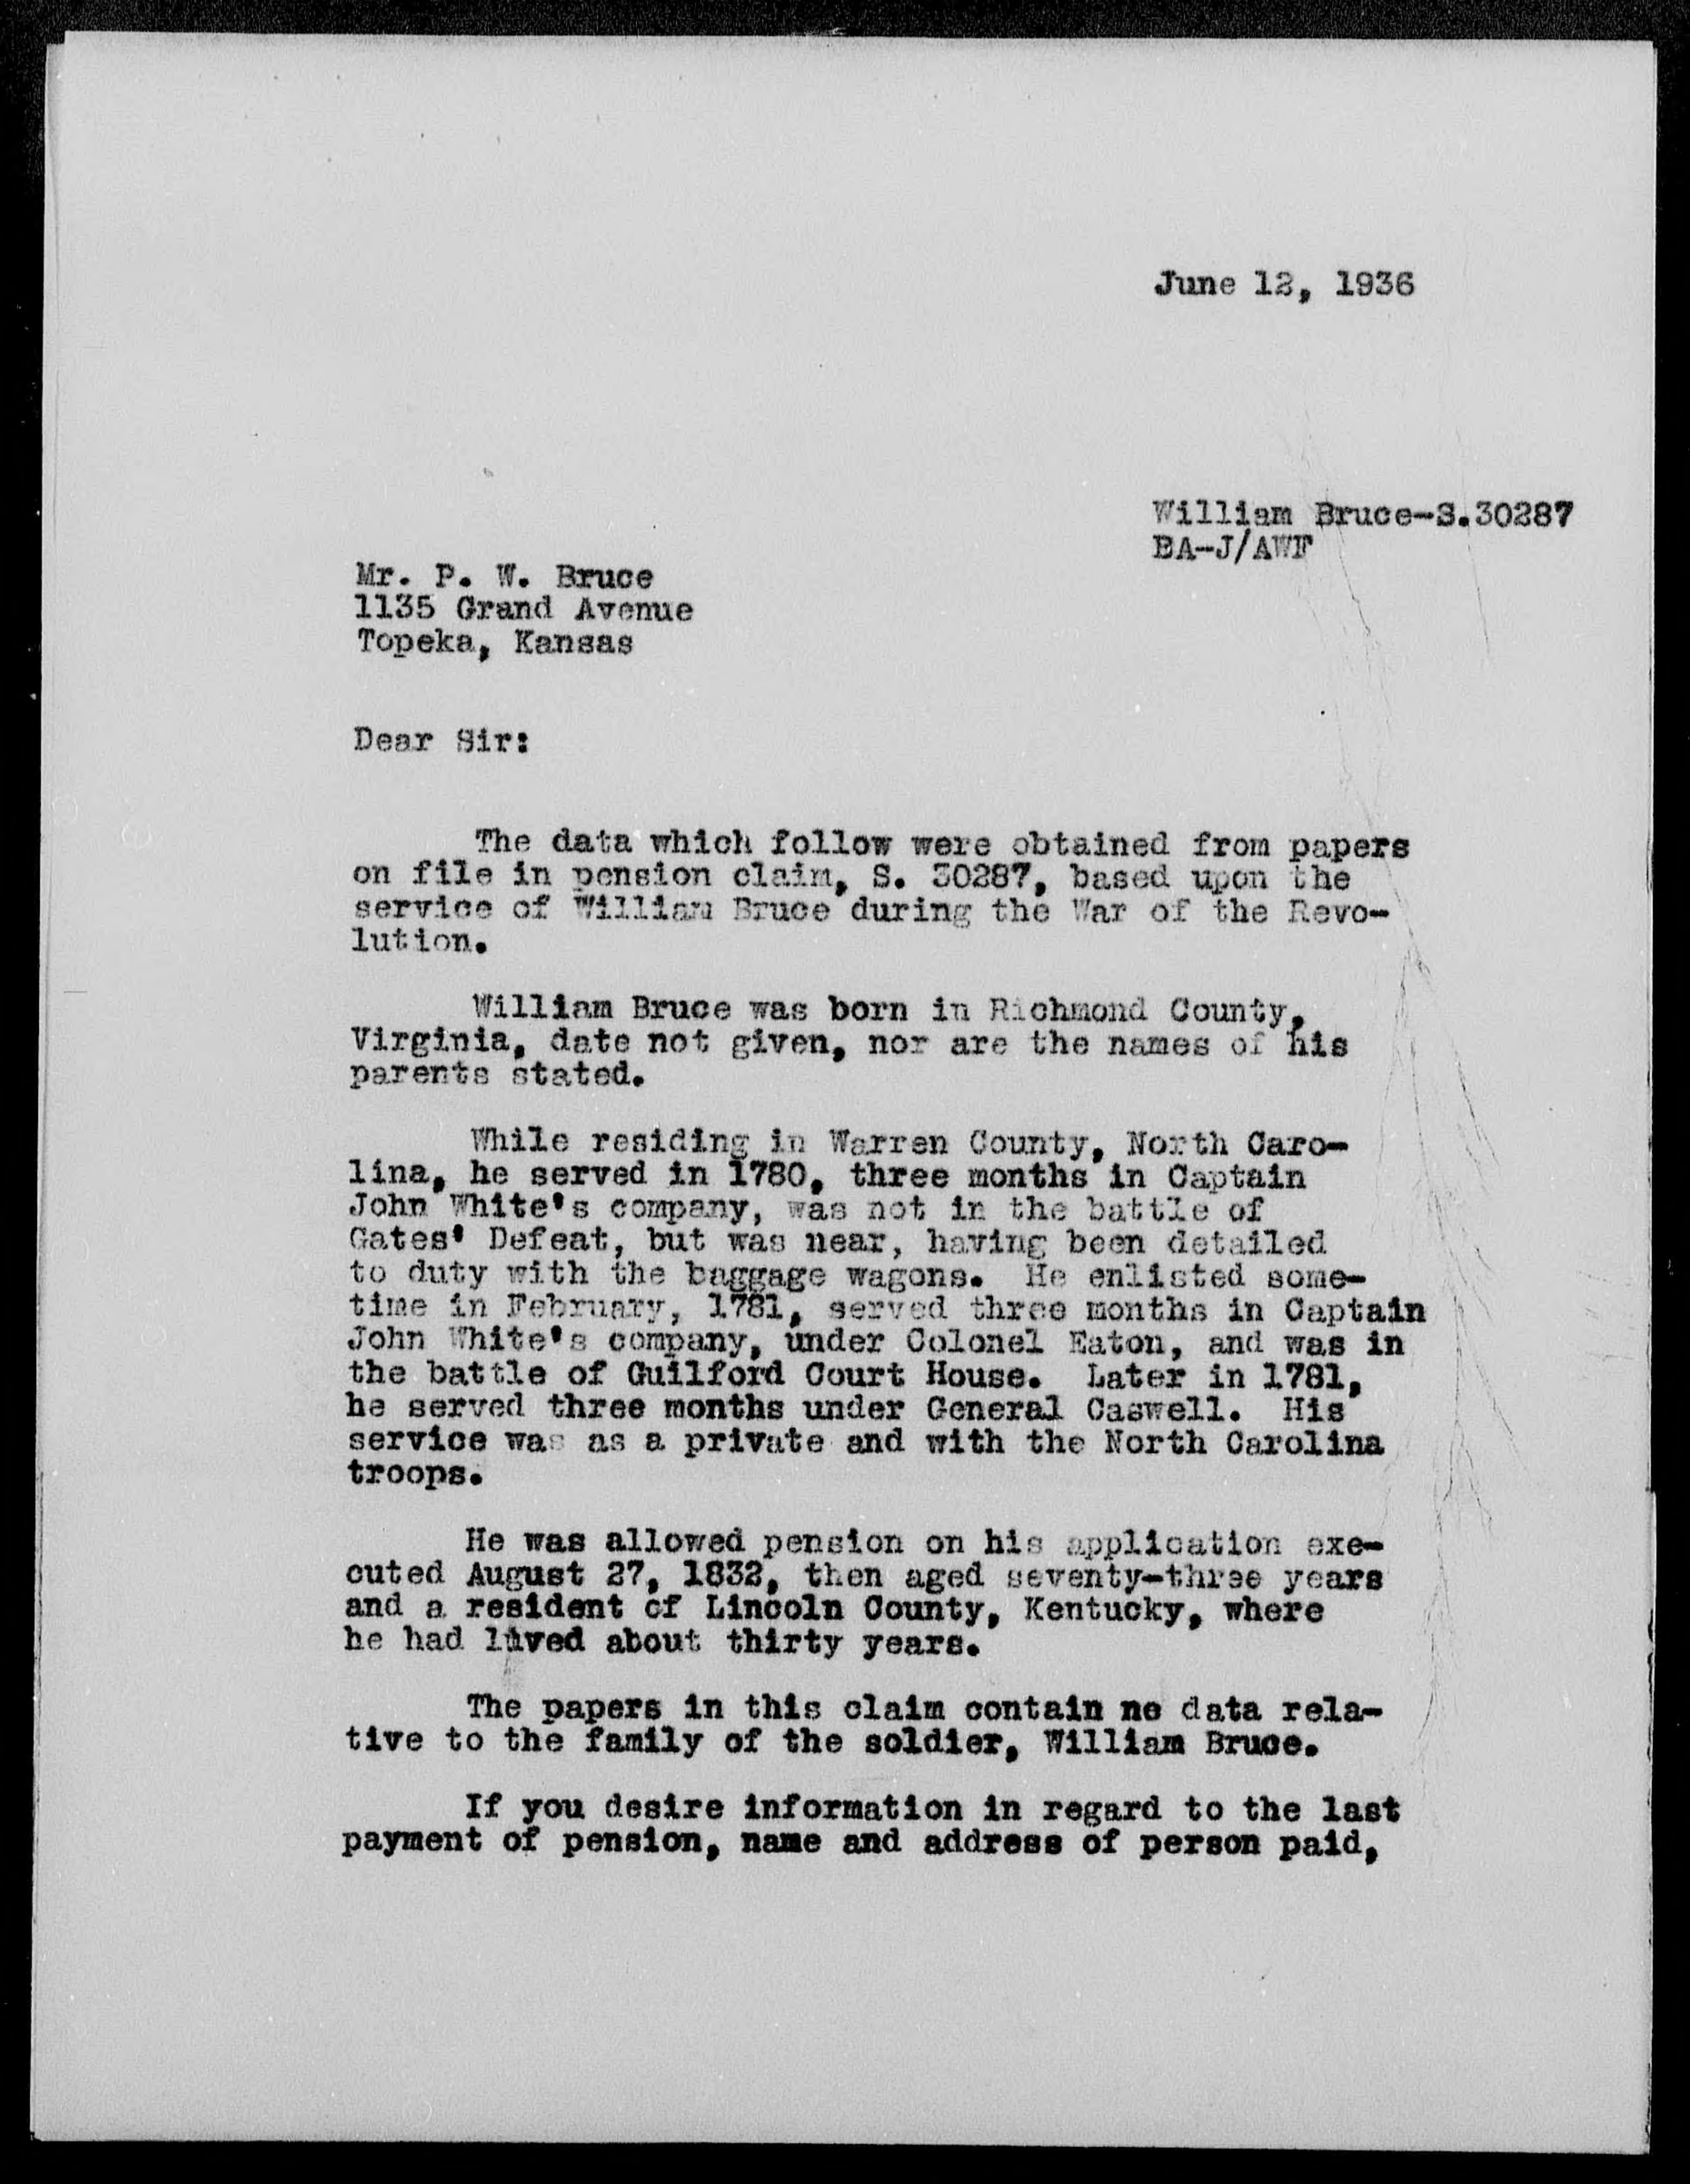[typed form]

June 12, 1936

William Bruce-S.30287 
BA-J/AWF

Mr. P. W. Bruce 
1135 Grand Avenue 
Topeka, Kansas 

Dear Sir: 

The data which follow were obtained from papers on file in pension claim, S. 30287, based upon the service of William Bruce during the War of the Revolution. 

William Bruce was born in Richmond County, Virginia, date not given, nor are the names of his parents stated. 

While residing in Warren County, North Carolina, he served in 1780, three months in Captain John White's company, was not in the battle of Gates' Defeat, but was near, having been detailed to duty with the baggage wagons. He enlisted sometime in February, 1781, served three months in Captain John White's company, under Colonel Eaton, and was in the battle of Guilford Court House. Later in 1781, he served three months under General Caswell. His service was as a private and with the North Carolina troops. 

He was allowed pension on his application executed August 27, 1832, then aged seventy-three years and a resident of Lincoln County, Kentucky, where he had lived about thirty years. 

The papers in this claim contain no data relative to the family of the soldier, William Bruce. 

If you desire information in regard to the last payment of pension, name and address of person paid,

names: P W Bruce, William Bruce, Caswell, Eaton, William Bruce, William Bruce, William Bruce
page: 34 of 54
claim: survivor's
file: S. 30287, William Bruce, N.C.